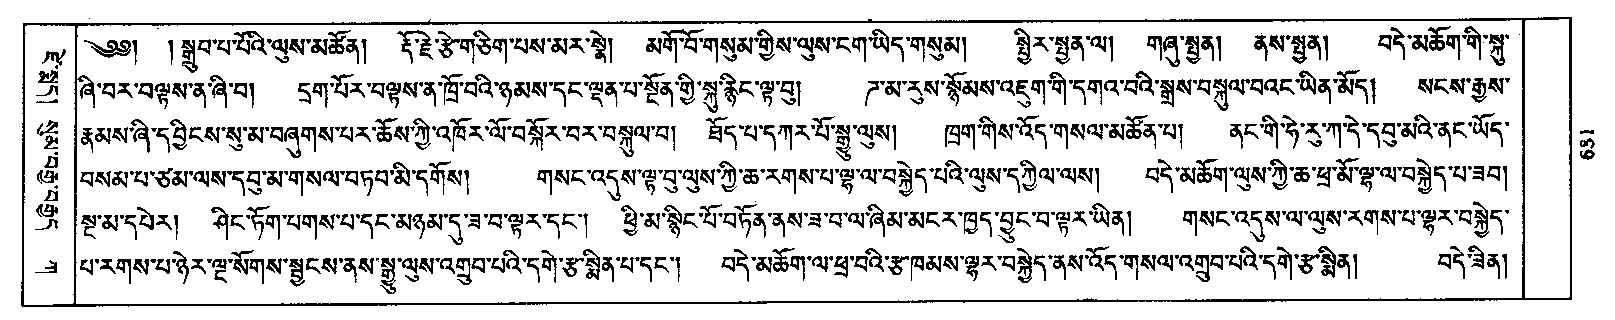༄༅། །སྒྲུབ་པ་པོའི་ལུས་མཚོན། རྡོ་རྗེ་རྩེ་གཅིག་པས་མར་སྣེ། མགོ་བོ་གསུམ་གྱིས་ལུས་ངག་ཡིད་གསུམ། སྦྱིར་སྤྱན་ལ། གཞུ་སྤྱན། ནས་སྤྱན། བདེ་མཆོག་གི་སྐུ་
ཞི་བར་བལྟས་ན་ཞི་བ། དྲག་པོར་བལྟས་ན་ཁྲོ་བའི་ཉམས་དང་ལྡན་པ་སྔོན་གྱི་སྐུ་རྙིང་ལྟ་བུ། ཌ་མ་རུས་སྙོམས་འཇུག་གི་དགའ་བའི་སྒྲས་བསྐུལ་བའང་ཡིན་མོད། སངས་རྒྱས་
རྣམས་ཞི་དབྱིངས་སུ་མ་བཞུགས་པར་ཆོས་ཀྱི་འཁོར་ལོ་བསྐོར་བར་བསྐུལ་བ། ཐོད་པ་དཀར་པོ་སྒྱུ་ལུས། ཁྲག་གིས་འོད་གསལ་མཚོན་པ། ནང་གི་ཧེ་རུ་ཀ་དེ་དབུ་མའི་ནང་ཡོད་
བསམ་པ་ཙམ་ལས་དབུ་མ་གསལ་བཏབ་མི་དགོས། གསང་འདུས་ལྟ་བུ་ལུས་ཀྱི་ཆ་རགས་པ་ལྷ་ལ་བསྐྱེད་པའི་ལུས་དཀྱིལ་ལས། བདེ་མཆོག་ལུས་ཀྱི་ཆ་ཕྲ་མོ་ལྷ་ལ་བསྐྱེད་པ་ཟབ།
སྔ་མ་དཔེར། ཤིང་ཏོག་པགས་པ་དང་མཉམ་དུ་ཟ་བ་ལྟར་དང་། ཕྱི་མ་སྙིང་པོ་བཏོན་ནས་ཟ་བ་ལ་ཞིམ་མངར་ཁྱད་བྱུང་བ་ལྟར་ཡིན། གསང་འདུས་ལ་ལུས་རགས་པ་ལྷར་བསྐྱེད་
པ་རགས་པ་ཉེར་ལྔ་སོགས་སྦྱངས་ནས་སྒྱུ་ལུས་འགྲུབ་པའི་དགེ་རྩ་སྨིན་པ་དང་། བདེ་མཆོག་ལ་ཕྲ་བའི་རྩ་ཁམས་ལྷར་བསྐྱེད་ནས་འོད་གསལ་འགྲུབ་པའི་དགེ་རྩ་སྨིན། བདེ་ཟིན།